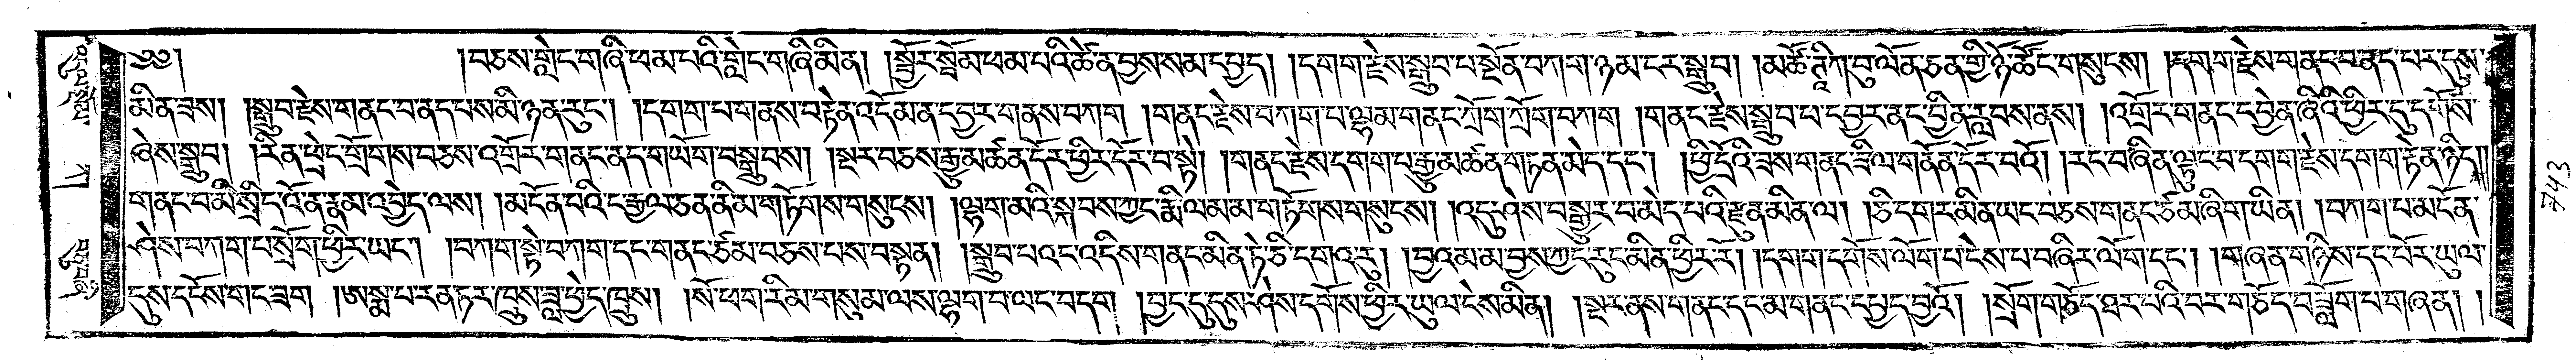༄༅། །བཅས་གླེང་གཞི་ཕམ་པའི་གླེང་གཞི་མིན། །སྦྱོར་སྦོམ་ཕམ་པའི་ཚེ་ན་བྱས་སམ་དཔྱད། །དགག་རྗེས་སྒྲུབ་པ་སྔོན་བཀག་ཉམ་ངར་སྒྲུབ། །མཚོ་ཊཱིཀ་པུ་ལོན་ཅན་གྱི་ཉོ་ཚོང་གསུངས། །དགག་རྗེས་གནང་བ་ནད་པར་དུས་
མིན་ཟས། །སྒྲུབ་རྗེས་གནང་བ་ནད་པས་མི་ཉན་རང་། །དགག་པ་གནས་བརྟེན་འདོམ་ན་དབྱར་གནས་བཀག །གནང་རྗེས་བཀག་པ་ལྷམ་གནང་ཀྲོག་ཀྲོག་བཀག །གནང་རྗེས་སྒྲུབ་པ་དབྱར་ནད་བྱིན་རླབས་ནས། །འགྲོར་གནང་དབྱང་ཞིའི་ཕྱིར་དུ་དགོས་
ཞེས་སྒྲུབ། །རིན་ཕྲེང་གྲོགས་བཅས་འགྲོར་གནང་ནད་གཡོག་བསྒྲུབས། །སྔར་བཅས་རྒྱུ་མཚན་དོར་ཕྱིར་དོར་བ་སྟེ། །གནང་རྗེས་དགག་པ་རྒྱུ་མཚན་གཏན་མེད་དང་། །ཕྱི་དྲོའི་ཟས་གནང་ཟིལ་གནོན་དོར་བའོ། །རང་བཞིན་ལྟུང་བ་དགག་རྗེས་དགག་རྟེན་ཉིད།།
གནང་བ་མི་སྲིད་འོ་ན་རྣམ་འབྱེད་ལས། །མངོན་པའི་ང་རྒྱལ་ཅན་ནི་མ་གཏོགས་གསུངས། །ལྷག་མའི་སྐབས་ཀྱང་རྨི་ལམ་མ་གཏོགས་གསུངས། །འདུ་ཤེས་བསྒྱུར་བ་མེད་པའི་རྫུན་མིན་ལ། །ཅི་དགར་མིན་ཡང་བཅས་གནང་ཙམ་ཞིག་ཡིན། །བཀག་པ་མངོན་
ཤེས་བཀག་པ་སྲོག་ཕྱིར་ཡང་། །བཀག་སྟེ་བཀག་དང་གནང་ཙམ་བཅས་པས་བསྟན། །སྒྲུབ་པའང་འདིས་གནང་མིན་ཏེ་ཅི་དགའ་རུ། །བྱའམ་མ་བྱས་ཀྱང་རུང་མིན་ཕྱིར་རོ། །དགག་དགོས་ལོག་པ་ངེས་པ་བཞིར་ལོག་དང་། །གཞན་གཉིས་དང་པོར་ཡུལ་
དུས་དངོས་གང་ཟག །ཨསྨ་པ་རན་ཏར་ཁྲུས་ཟླ་ཕྱེད་ཁྲུས། །སོ་ཕག་རིམ་གསུམ་ལས་ལྷག་པ་ལང་བདག །བྱང་དུ་དུས་ཤེས་དགོས་ཕྱིར་ཡུལ་ངེས་མིན། །སྔར་ནས་གནང་དང་མ་གནང་དཔྱད་བྱའོ། །སྲོག་གཅོད་ཐར་པའི་བར་གཅོད་བཟློག་པ་གཞན། །